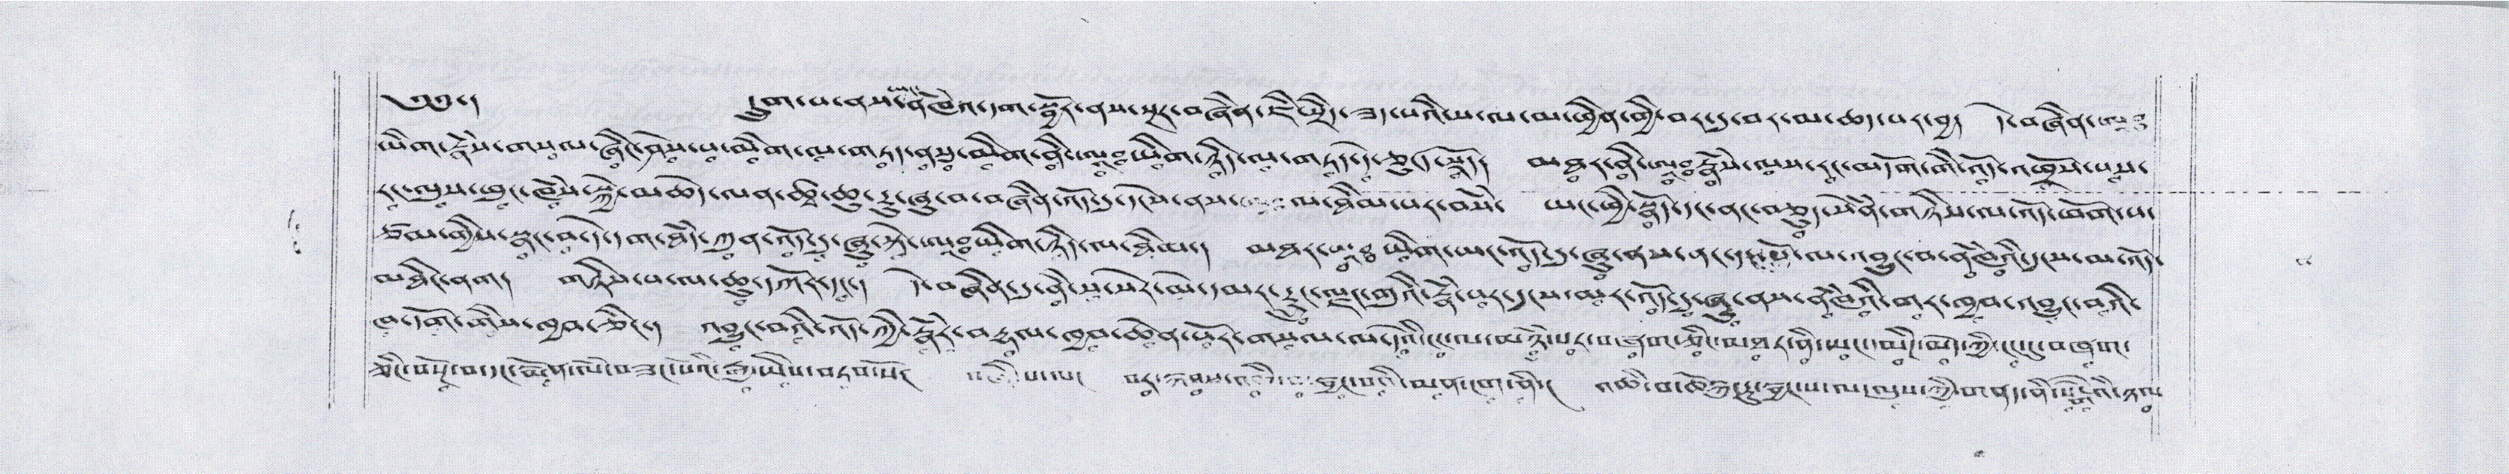དྲུག་པ་ནས་ནམ་མཁའ་དག་སྦྱོར་ནས་སྔར་བཞིན་ཇི་སྲིད་པའི་ས་ལ་མ་ཕྱིན་གྱི་བར་དུ་བར་མ་ཆད་པར་བྱ། དེ་བཞིན་ཨཱཿ
ཡིག་རྣམས་གསལ་ཞིང་ཤེས་པ་མིག་ལ་གཏད་ནས་སུ་མིག་ནི་ཨཱཿཡིག་ཉིད་ལ་གཏད་དེ་ཅུང་ཟད་སྡོད། མཐར་ནི་ཨཱཿརྣམས་ལས་རང་མདོག་གི་འོད་འཕྲོས་པས་རང་
ལུས་ཕུང་ཁམས་སྐྱེ་མཆེད་ལན་ཚྭ་ཆུ་རུ་ཞུ་བ་བཞིན་འོད་དུ་དེངས་ནས་ཨཱཿལ་ཐིམ་པར་བསམ། ཡང་ཕྱི་སྣོིད་དང་ནང་བཅུད་སེམས་ཅན་གཉིས་ལ་འོད་ཕོག་པ་
ཙམ་གྱིས་སྣང་བ་དེ་དག་ཐམས་ཅད་ཀུན་འོད་དུ་ཞུ་སྟེ་ཨཱཿཡིག་ཉིད་ལ་ཐིམ། མཐར་ཨཱཿཡིག་ཀྱང་འོད་དུ་ཞུ་ནས་ནང་དང་པོ་ལ་འབྱུང་བ་ནམ་མཁའི་དྭངས་མ་འོད་
མཐིང་ནག གཉིས་པ་ལ་ཆུ་དཀར་པོ་དང་། དེ་བཞིན་དུ་ནི་ས་སེར་མེ་དམར་རླུང་ལྗང་གུའི་རྣམ་པར་དྭངས་མར་འོད་དུ་ཞུ་ནས་ནམ་མཁའི་གར་ཁྱབ་འབྱུང་བའི་
ཁ དོག་གིས་ཁྱབ་ཅིང་། འབྱུང་བའི་འོད་ཀྱི་རྣམ་པར་བརྡལ་ཁྱབ་ཆེན་པོར་གསལ་ལ་དེའི་ངང་ལ་མཉམ་པར་བཞག་ཅིང་མཐར་ནི་ཡང་དམིགས་མེད་ཀྱི་ངང་ལ་བཞག་
ཅིང་བསྔོ་བ་དང་སྨོན་ལམ་བཟང་པོའི་རྒྱ་ཡིས་བཏབ་བོ། །བཞི་པ་ལ། བར་སྐབས་འཆི་བ་སྦྱང་བའི་མན་ངག་ནི། འཆི་བ་ཆོས་སྐུ་རུ་སྦྱང་བ་ལ་ལུས་ཀྱི་གནད་ནི་སེང་གེའི་ཉལ་